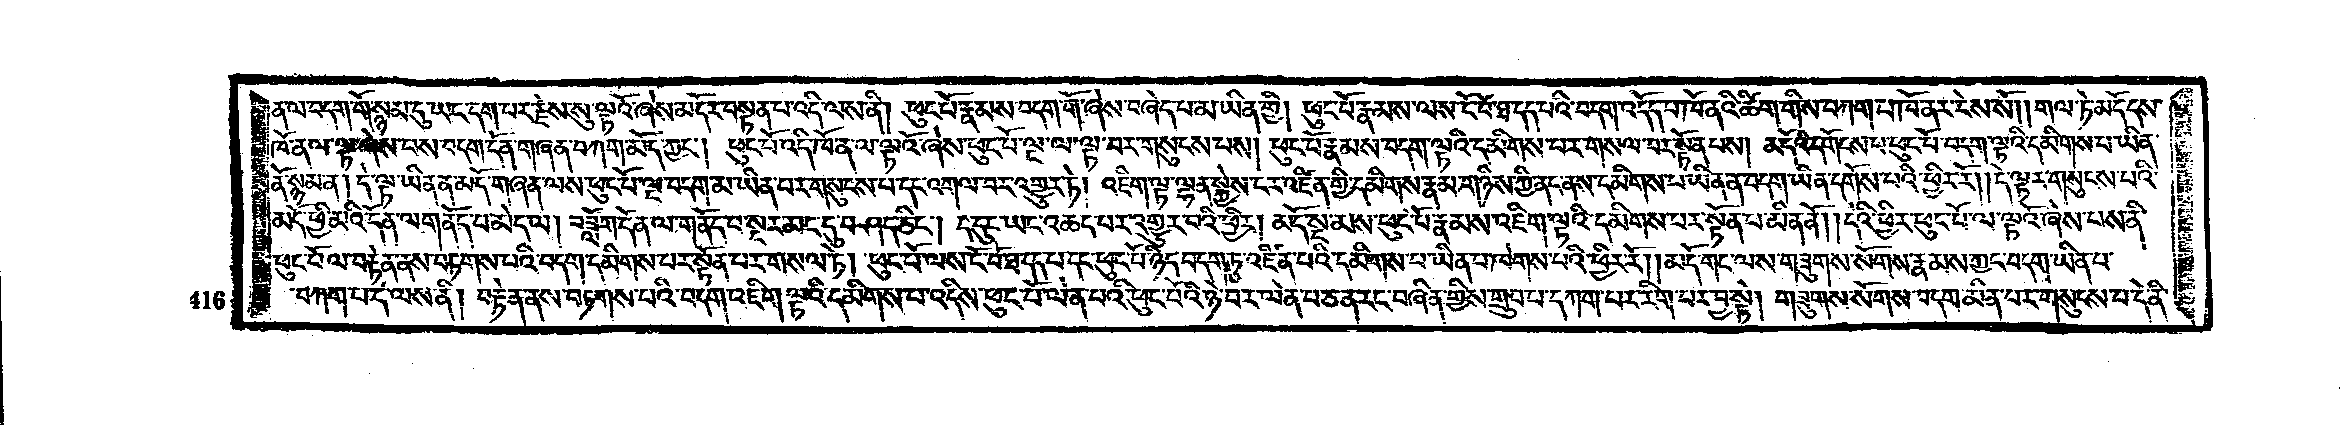ན་ལ་བདག་གོ་སྙམ་དུ་ཡང་དག་པར་རྗེས་སུ་ལྟའོ་ཞེས་མདོར་བསྟན་པ་འདི་ལས་ནི། ཕུང་པོ་རྣམས་བདག་གོ་ཞེས་བཞེད་པ་མ་ཡིན་གྱི། ཕུང་པོ་རྣམས་ལས་ངོ་བོ་ཐ་དད་པའི་བདག་འདོད་པ་ཁོ་ནའི་ཚིག་གིས་བཀག་པ་ཁོ་ནར་ངེས་སོ། །གལ་ཏེ་མདོ་དེས་
ཁོ་ན་ལ་ལྟ་ཞེས་པས་བདག་དོན་གཞན་བཀག་མོད་ཀྱང་། ཕུང་པོ་འདི་ཁོ་ན་ལ་ལྟའོ་ཞེས་ཕུང་པོ་ལྔ་ལ་ལྟ་བར་གསུངས་པས། ཕུང་པོ་རྣམས་བདག་ལྟའི་དམིགས་པར་གསལ་བར་སྟོན་པས། མདོའི་དགོངས་པ་ཕུང་པོ་བདག་ལྟའི་དམིགས་པ་ཡིན་
ནོ་སྙམ་ན། དེ་ལྟ་ཡིན་ན་མདོ་གཞན་ལས་ཕུང་པོ་ལྔ་བདག་མ་ཡིན་པར་གསུངས་པ་དང་འགལ་བར་འགྱུར་ཏེ། འཇིག་ལྟ་ལྷན་སྐྱེས་ངར་འཛིན་གྱི་དམིགས་རྣམ་གཉིས་ཀྱི་ནང་ནས་དམིགས་པ་ཡིན་ན་བདག་ཡིན་དགོས་པའི་ཕྱིར་རོ། །དེ་ལྟར་གསུངས་པའི་
མདོ་ཕྱི་མའི་དོན་ལ་གནོད་པ་མེད་ལ། བཟློག་དོན་ལ་གནོད་པ་སྔར་མང་དུ་བཤད་ཅིང་། ད་དུང་ཡང་འཆད་པར་འགྱུར་བའི་ཕྱིར། མདོ་སྔ་མས་ཕུང་པོ་རྣམས་འཇིག་ལྟའི་དམིགས་པར་སྟོན་པ་མིན་ནོ། །དེའི་ཕྱིར་ཕུང་པོ་ལ་ལྟའོ་ཞེས་པས་ནི་
ཕུང་པོ་ལ་བརྟེན་ནས་བཏགས་པའི་བདག་དམིགས་པར་སྟོན་པར་གསལ་ཏེ། ཕུང་པོ་ལས་ངོ་བོ་ཐ་དད་པ་དང་ཕུང་པོ་ཉིད་བདག་ཏུ་འཛིན་པའི་དམིགས་པ་ཡིན་པ་ཁེགས་པའི་ཕྱིར་རོ། །མདོ་གང་ལས་གཟུགས་སོགས་རྣམས་ཀྱང་བདག་ཡིན་པ་
བཀག་པ་དེ་ལས་ནི། བརྟེན་ནས་བཏགས་པའི་བདག་འཇིག་ལྟའི་དམིགས་པ་འདིས་ཕུང་པོ་ལེན་པའི་ཕུང་བའི་ཉེ་བར་ལེན་པ་ཅན་རང་བཞིན་གྱིས་གྲུབ་པ་དཀག་པར་རིག་པར་བྱ་སྟེ། གཟུགས་སོགས་བདག་མིན་པར་གསུངས་བ་དེ་ནི་